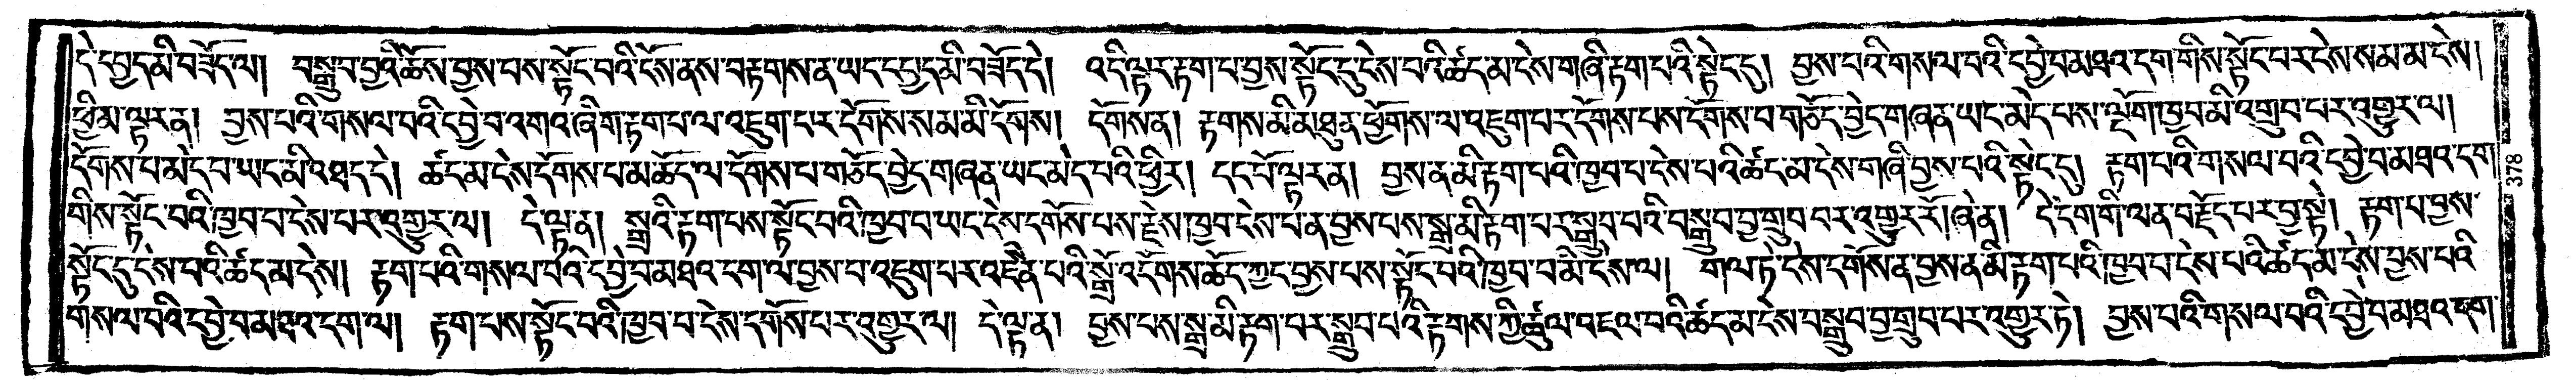དེ་དཔྱད་མི་བཟོད་ལ། བསྒྲུབ་བྱའི་ཆོས་བྱས་པས་སྟོང་པའི་ངོས་ནས་བརྟགས་ན་ཡང་དཔྱད་མི་བཟོད་དེ། འདི་ལྟར་རྟག་པ་བྱས་སྟོང་དུ་ངེས་པའི་ཚད་མ་ངེས་གཞི་རྟག་པའི་སྟེང་དུ། བྱས་པའི་གསལ་བའི་དབྱེ་བ་མཐའ་དག་གིས་སྟོང་པར་ངེས་སམ་མ་ངེས།
ཕྱི་མ་ལྟར་ན། བྱས་པའི་གསལ་བའི་དབྱེ་བ་འགའ་ཞིག་རྟག་པ་ལ་འཇུག་པར་དོགས་སམ་མི་དོགས། དོགས་ན། རྟགས་མི་མཐུན་ཕྱོགས་ལ་འཇུག་པར་དོགས་པས་དོགས་པ་གཅོད་བྱེད་གཞན་ཡང་མེད་པས་ལྡོག་ཁྱབ་མི་འགྲུབ་པར་འགྱུར་ལ།
དོགས་པ་མེད་པ་ཡང་མི་འཐད་དེ། ཚད་མ་ངེས་དོགས་པ་མ་ཆོད་ལ་དོགས་པ་གཅོད་བྱེད་གཞན་ཡང་མེད་པའི་ཕྱིར། དང་པོ་ལྟར་ན། བྱས་ན་མི་རྟག་པའི་ཁྱབ་པ་ངེས་པའི་ཚད་མ་དེས་གཞི་བྱས་པའི་སྟེང་དུ། རྟག་པའི་གསལ་བའི་དབྱེ་བ་མཐའ་དག་
གིས་སྟོང་པའི་ཁྱབ་པ་ངེས་པར་འགྱུར་ལ། དེ་ལྟ་ན། སྒྲའི་རྟག་པས་སྟོང་པའི་ཁྱབ་པ་ཡང་ངེས་དགོས་པས་རྗེས་ཁྱབ་ངེས་པ་ན་བྱས་པས་སྒྲ་མི་རྟག་པར་སྒྲུབ་པའི་བསྒྲུབ་བྱ་གྲུབ་པར་འགྱུར་རོ། ཞེ་ན། དེ་དག་གི་ལན་བརྗོད་པར་བྱ་སྟེ། རྟག་པ་བྱས་
སྟོང་དུ་ངེས་པའི་ཚད་མ་དེས། རྟག་པའི་གསལ་བའི་དབྱེ་བ་མཐའ་དག་ལ་བྱས་པ་འཇུག་པར་འཛིན་པའི་སྒྲོ་འདོགས་ཆོད་ཀྱང་བྱས་པས་སྟོང་པའི་ཁྱབ་པ་མི་ངེས་ལ། གལ་ཏེ་ངེས་དགོས་ན་བྱས་ན་མི་རྟག་པའི་ཁྱབ་པ་ངེས་པའི་ཚད་མ་དེས་བྱས་པའི་
གསལ་བའི་དབྱེ་བ་མཐའ་དག་ལ། རྟག་པས་སྟོང་པའི་ཁྱབ་པ་ངེས་དགོས་པར་འགྱུར་ལ། དེ་ལྟ་ན། བྱས་པས་སྒྲ་མི་རྟག་པར་སྒྲུབ་པའི་རྟགས་ཀྱི་ཚུལ་འཇལ་བའི་ཚད་མ་ངེས་བསྒྲུབ་བྱ་གྲུབ་པར་འགྱུར་ཏེ། བྱས་པའི་གསལ་བའི་དབྱེ་བ་མཐའ་དག་